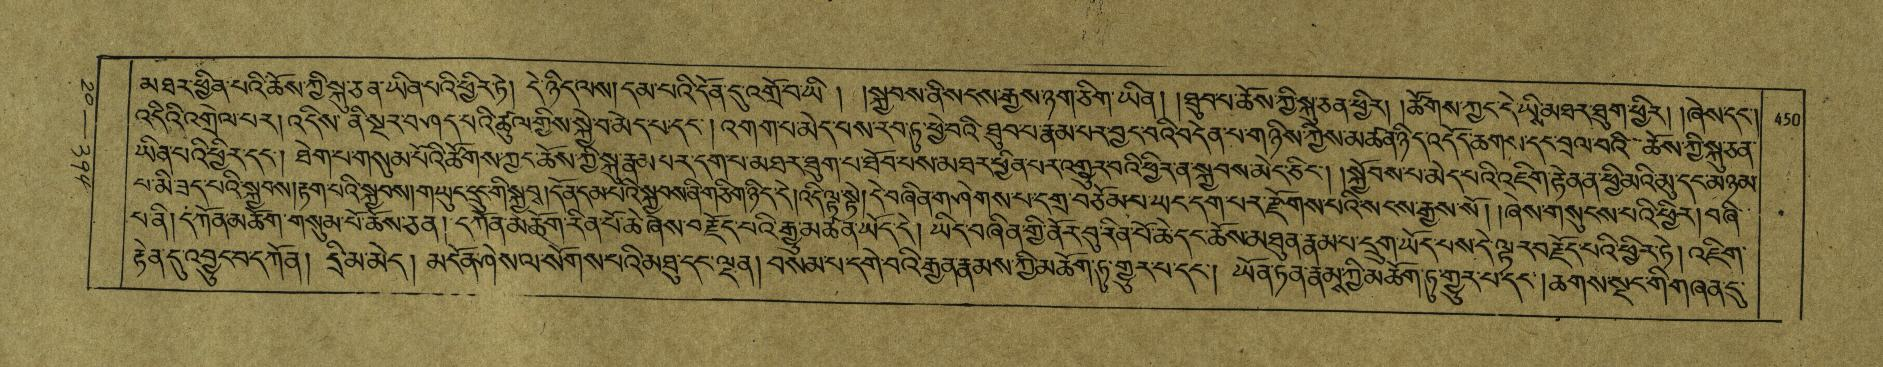མཐར་ཕྱིན་པའི་ཆོས་ཀྱི་སྐུ་ཅན་ཡིན་པའི་ཕྱིར་ཏེ། དེ་ཉིད་ལས། དམ་པའི་དོན་དུ་འགྲོ་བ་ཡི། །སྐྱབས་ནི་སངས་རྒྱས་ཉག་ཅིག་ཡིན། །ཐུབ་པ་ཆོས་ཀྱི་སྐུ་ཅན་ཕྱིར། །ཚོགས་ཀྱང་དེ་ཡིས་མཐར་ཐུག་ཕྱིར། །ཞེས་དང་།
འདིའི་འགྲེལ་པར། འདིས་ནི་སྔར་བཤད་པའི་ཚུལ་གྱིས་སྐྱེ་བ་མེད་པ་དང་། འགག་པ་མེད་པས་རབ་ཏུ་ཕྱེ་བའི་ཐུབ་པ་རྣམ་པར་བྱ་བའི་བདེན་པ་གཉིས་ཀྱིས་མཚན་ཉིད་འདོད་ཆགས་དང་བྲལ་བའི་ཆོས་ཀྱི་སྐུ་ཅན་
ཡིན་པའི་ཕྱིར་དང་། ཐེག་པ་གསུམ་པོའི་ཚོགས་ཀྱང་ཆོས་ཀྱི་སྐུ་རྣམ་པར་དག་པ་མཐར་ཐུག་པ་ཐོབ་པས་མཐར་ཕྱིན་པར་འགྱུར་བའི་ཕྱིར་ན་སྐྱབས་མེད་ཅིང་། །སྐྱོབས་པ་མེད་པའི་འཇིག་རྟེན་ན་ཕྱི་མའི་མུ་དང་མཉམ་
པ་མི་ཟད་པའི་སྐྱབས། རྟག་པའི་སྐྱབས། གཡུང་དྲུང་གི་སྐྱབས། དོན་དམ་པའི་སྐྱབས་ནི་གཅིག་ཉིད་དེ། འདི་ལྟ་སྟེ། དེ་བཞིན་གཤེགས་པ་དགྲ་བཅོམ་པ་ཡང་དག་པར་རྫོགས་པའི་སངས་རྒྱས་སོ། །ཞེས་གསུངས་པའི་ཕྱིར། བཞི་
པ་ནི། དཀོན་མཆོག་གསུམ་པོ་ཆོས་ཅན། དཀོན་མཆོག་རིན་པོ་ཆེ་ཞེས་བརྗོད་པའི་རྒྱུ་མཚན་ཡོད་དེ། ཡིད་བཞིན་གྱི་ནོར་བུ་རིན་པོ་ཆེ་དང་ཆོས་མཐུན་རྣམ་པ་དྲུག་ཡོད་པས་དེ་ལྟར་བརྗོད་པའི་ཕྱིར་ཏེ། འཇིག་
རྟེན་དུ་འབྱུང་བ་དཀོན། དྲི་མ་མེད། མངོན་ཤེས་ལ་སོགས་པའི་མཐུ་དང་ལྡན། བསམ་པ་དགེ་བའི་རྒྱན་རྣམས་ཀྱི་མཆོག་ཏུ་གྱུར་པ་དང་། ཡོན་ཏན་རྣམས་ཀྱི་མཆོག་ཏུ་གྱུར་པ་དང་། ཆགས་སྡང་གི་གཞན་དུ་